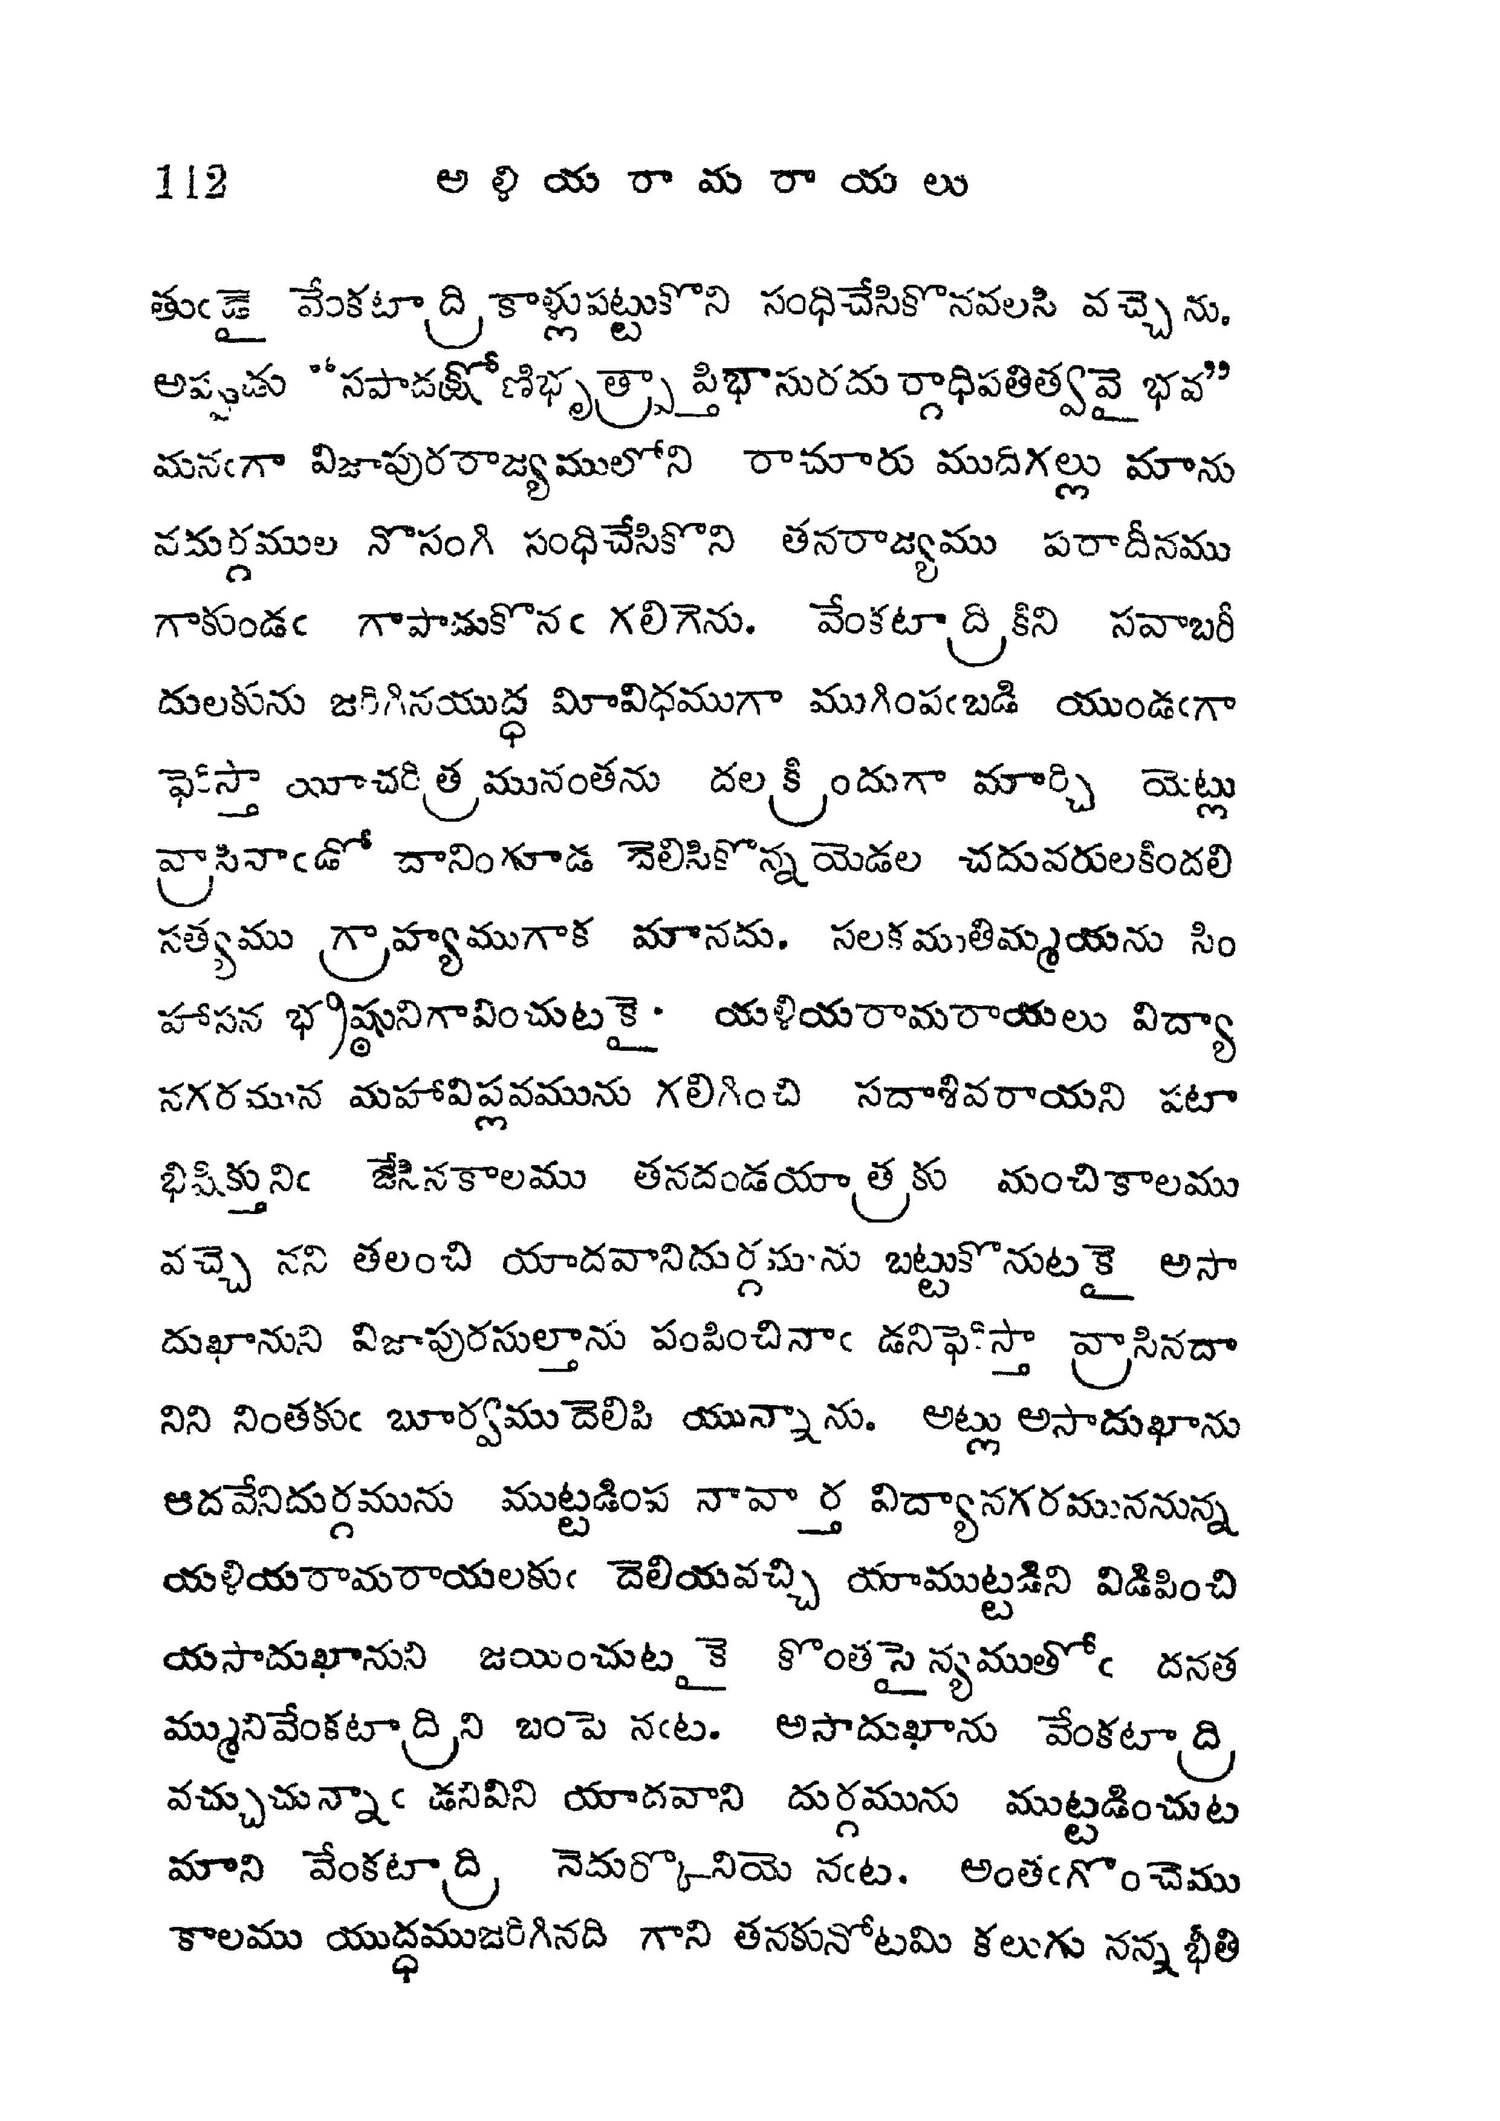తుడై వేంకటాద్రి కాళ్లుపట్టుకొని సంధిచేసికొనవలసి వచ్చెను. అప్పుడు "సపాదక్షోణిభృత్ర్పాప్తి భాసురదుర్గాధిపతిత్వవైభవ" మనగా విజాపురరాజ్యములోని రాచూరు ముదిగల్లు మానువదుర్గముల నొసంగి సంధిచేసికొని తనరాజ్యము పరాదీనము గాకుండ గాపాడుకొన గలిగెను. వేంకటాద్రికిని నవాబరీదులకును జరిగినయుద్ధ మీవిధముగా ముగింపబడి యుండగా ఫెరిస్తా యీచరిత్రమునంతను దలక్రిందుగా మార్చి యెట్లు వ్రాసినాడో దానింగూడ దెలిసికొన్నయెడల చదువరులకిందలి సత్యము గ్రాహ్యముగాక మానదు. సలకముతిమ్మయను సింహాసన భ్రష్ఠునిగావించుటకై యళియరామరాయలు విద్యానగరమున మహావిప్లవమును గలిగించి సదాశివరాయని పట్టాభిషిక్తుని జేసినకాలము తనదండయాత్రకు మంచికాలము వచ్చె నని తలంచి యాదవానిదుర్గమును బట్టుకొనుటకై అసాదుఖానుని విజాపురసుల్తాను పంపించినా డనిఫెరిస్తా వ్రాసినదానిని నింతకు బూర్వముదెలిపి యున్నాను. అట్లు అసాదుఖాను ఆదవేనిదుర్గమును ముట్టడింప నావార్త విద్యానగరముననున్న యళియరామరాయలకు దెలియవచ్చి యాముట్టడిని విడిపించి యసాదుఖానుని జయించుటకై కొంతసైన్యముతో దనతమ్ముని వేంకటాద్రిని బంపె నట. అసాదుఖాను వేంకటాద్రి వచ్చుచున్నా డనివిని యాదవాని దుర్గమును ముట్టడించుట మాని వేంకటాద్రి నెదుర్కొనియె నట. అంతగొంచెము కాలము యుద్ధముజరిగినది గాని తనకునోటమి కలుగు నన్నభీతి